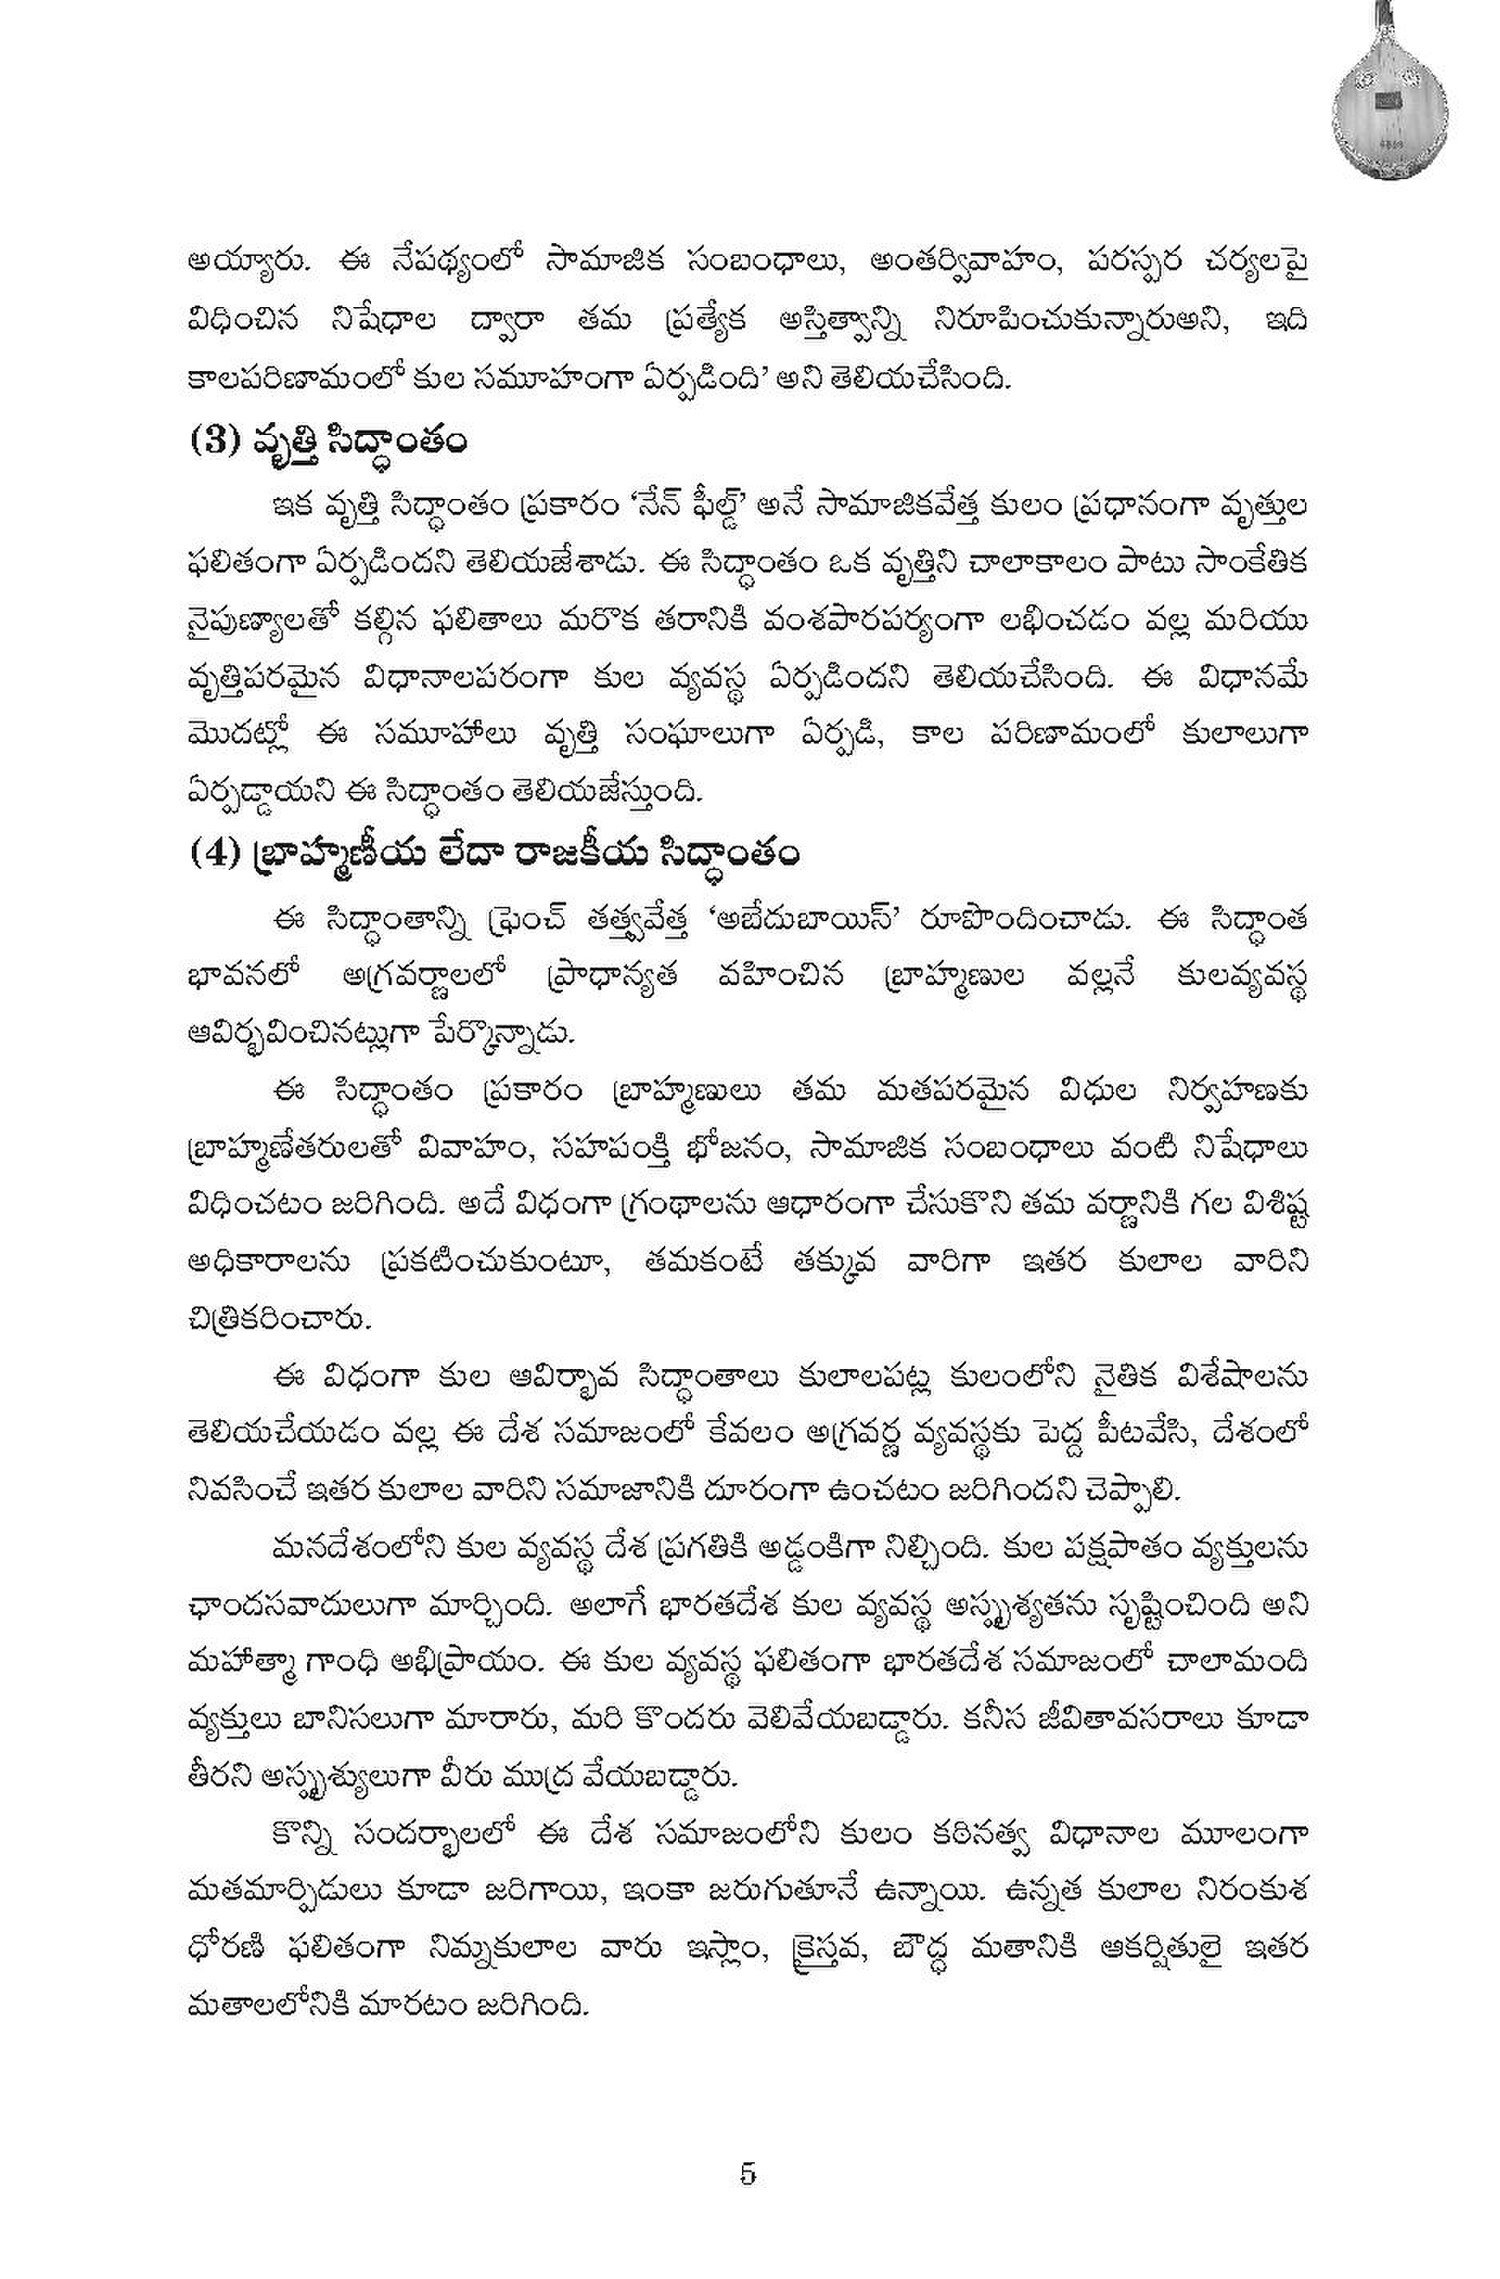అయ్యారు. ఈ నేపథ్యంలో సామాజిక సంబంధాలు, అంతర్వివాహం, పరస్పర చర్యలపై విధించిన నిషేధాల ద్వారా తమ ప్రత్యేక అస్తిత్వాన్ని నిరూపించుకున్నారు అని, ఇది కాలపరిణామంలో కుల సమూహంగా ఏర్పడింది' అని తెలియచేసింది.

(3) వృత్తి సిద్ధాంతం 

ఇక వృత్తి సిద్ధాంతం ప్రకారం 'నేన్ ఫీల్డ్' అనే సామాజికవేత్త కులం ప్రధానంగా వృత్తుల ఫలితంగా ఏర్పడిందని తెలియజేశాడు. ఈ సిద్ధాంతం ఒక వృత్తిని చాలాకాలం పాటు సాంకేతిక నైపుణ్యాలతో కల్గిన ఫలితాలు మరొక తరానికి వంశపారపర్యంగా లభించడం వల్ల మరియు వృత్తిపరమైన విధానాలపరంగా కుల వ్యవస్థ ఏర్పడిందని తెలియచేసింది. ఈ విధానమే మొదట్లో ఈ సమూహాలు వృత్తి సంఘాలుగా ఏర్పడి, కాల పరిణామంలో కులాలుగా ఏర్పడ్డాయని ఈ సిద్ధాంతం తెలియజేస్తుంది.

(4) బ్రాహ్మణీయ లేదా రాజకీయ సిద్ధాంతం 

ఈ సిద్ధాంతాన్ని ఫ్రెంచ్ తత్త్వవేత్త 'అబేదుబాయిస్' రూపొందించాడు. ఈ సిద్ధాంత భావనలో అగ్రవర్ణాలలో ప్రాధాన్యత వహించిన బ్రాహ్మణుల వల్లనే కులవ్యవస్థ ఆవిర్భవించినట్లుగా పేర్కొన్నాడు.

ఈ సిద్ధాంతం ప్రకారం బ్రాహ్మణులు తమ మతపరమైన విధుల నిర్వహణకు బ్రాహ్మణేతరులతో వివాహం, సహపంక్తి భోజనం, సామాజిక సంబంధాలు వంటి నిషేధాలు విధించటం జరిగింది. అదే విధంగా గ్రంథాలను ఆధారంగా చేసుకొని తమ వర్ణానికి గల విశిష్ట అధికారాలను ప్రకటించుకుంటూ, తమకంటే తక్కువ వారిగా ఇతర కులాల వారిని చిత్రీకరించారు.

ఈ విధంగా కుల ఆవిర్భావ సిద్ధాంతాలు కులాలపట్ల కులంలోని నైతిక విశేషాలను తెలియచేయడం వల్ల ఈ దేశ సమాజంలో కేవలం అగ్రవర్ణ వ్యవస్థకు పెద్ద పీటవేసి, దేశంలో నివసించే ఇతర కులాల వారిని సమాజానికి దూరంగా ఉంచటం జరిగిందని చెప్పాలి.

మనదేశంలోని కుల వ్యవస్థ దేశ ప్రగతికి అడ్డంకిగా నిల్చింది. కుల పక్షపాతం వ్యక్తులను ఛాందసవాదులుగా మార్చింది. అలాగే భారతదేశ కుల వ్యవస్థ అస్పృశ్యతను సృష్టించింది అని మహాత్మా గాంధి అభిప్రాయం. ఈ కుల వ్యవస్థ ఫలితంగా భారతదేశ సమాజంలో చాలామంది వ్యక్తులు బానిసలుగా మారారు, మరి కొందరు వెలివేయబడ్డారు. కనీస జీవితావసరాలు కూడా తీరని అస్పృశ్యులుగా వీరు ముద్ర వేయబడ్డారు.

కొన్ని సందర్భాలలో ఈ దేశ సమాజంలోని కులం కఠినత్వ విధానాల మూలంగా మతమార్పిడులు కూడా జరిగాయి, ఇంకా జరుగుతూనే ఉన్నాయి. ఉన్నత కులాల నిరంకుశ ధోరణి ఫలితంగా నిమ్నకులాల వారు ఇస్లాం, క్రైస్తవ, బౌద్ధ మతానికి ఆకర్షితులై ఇతర మతాలలోనికి మారటం జరిగింది.